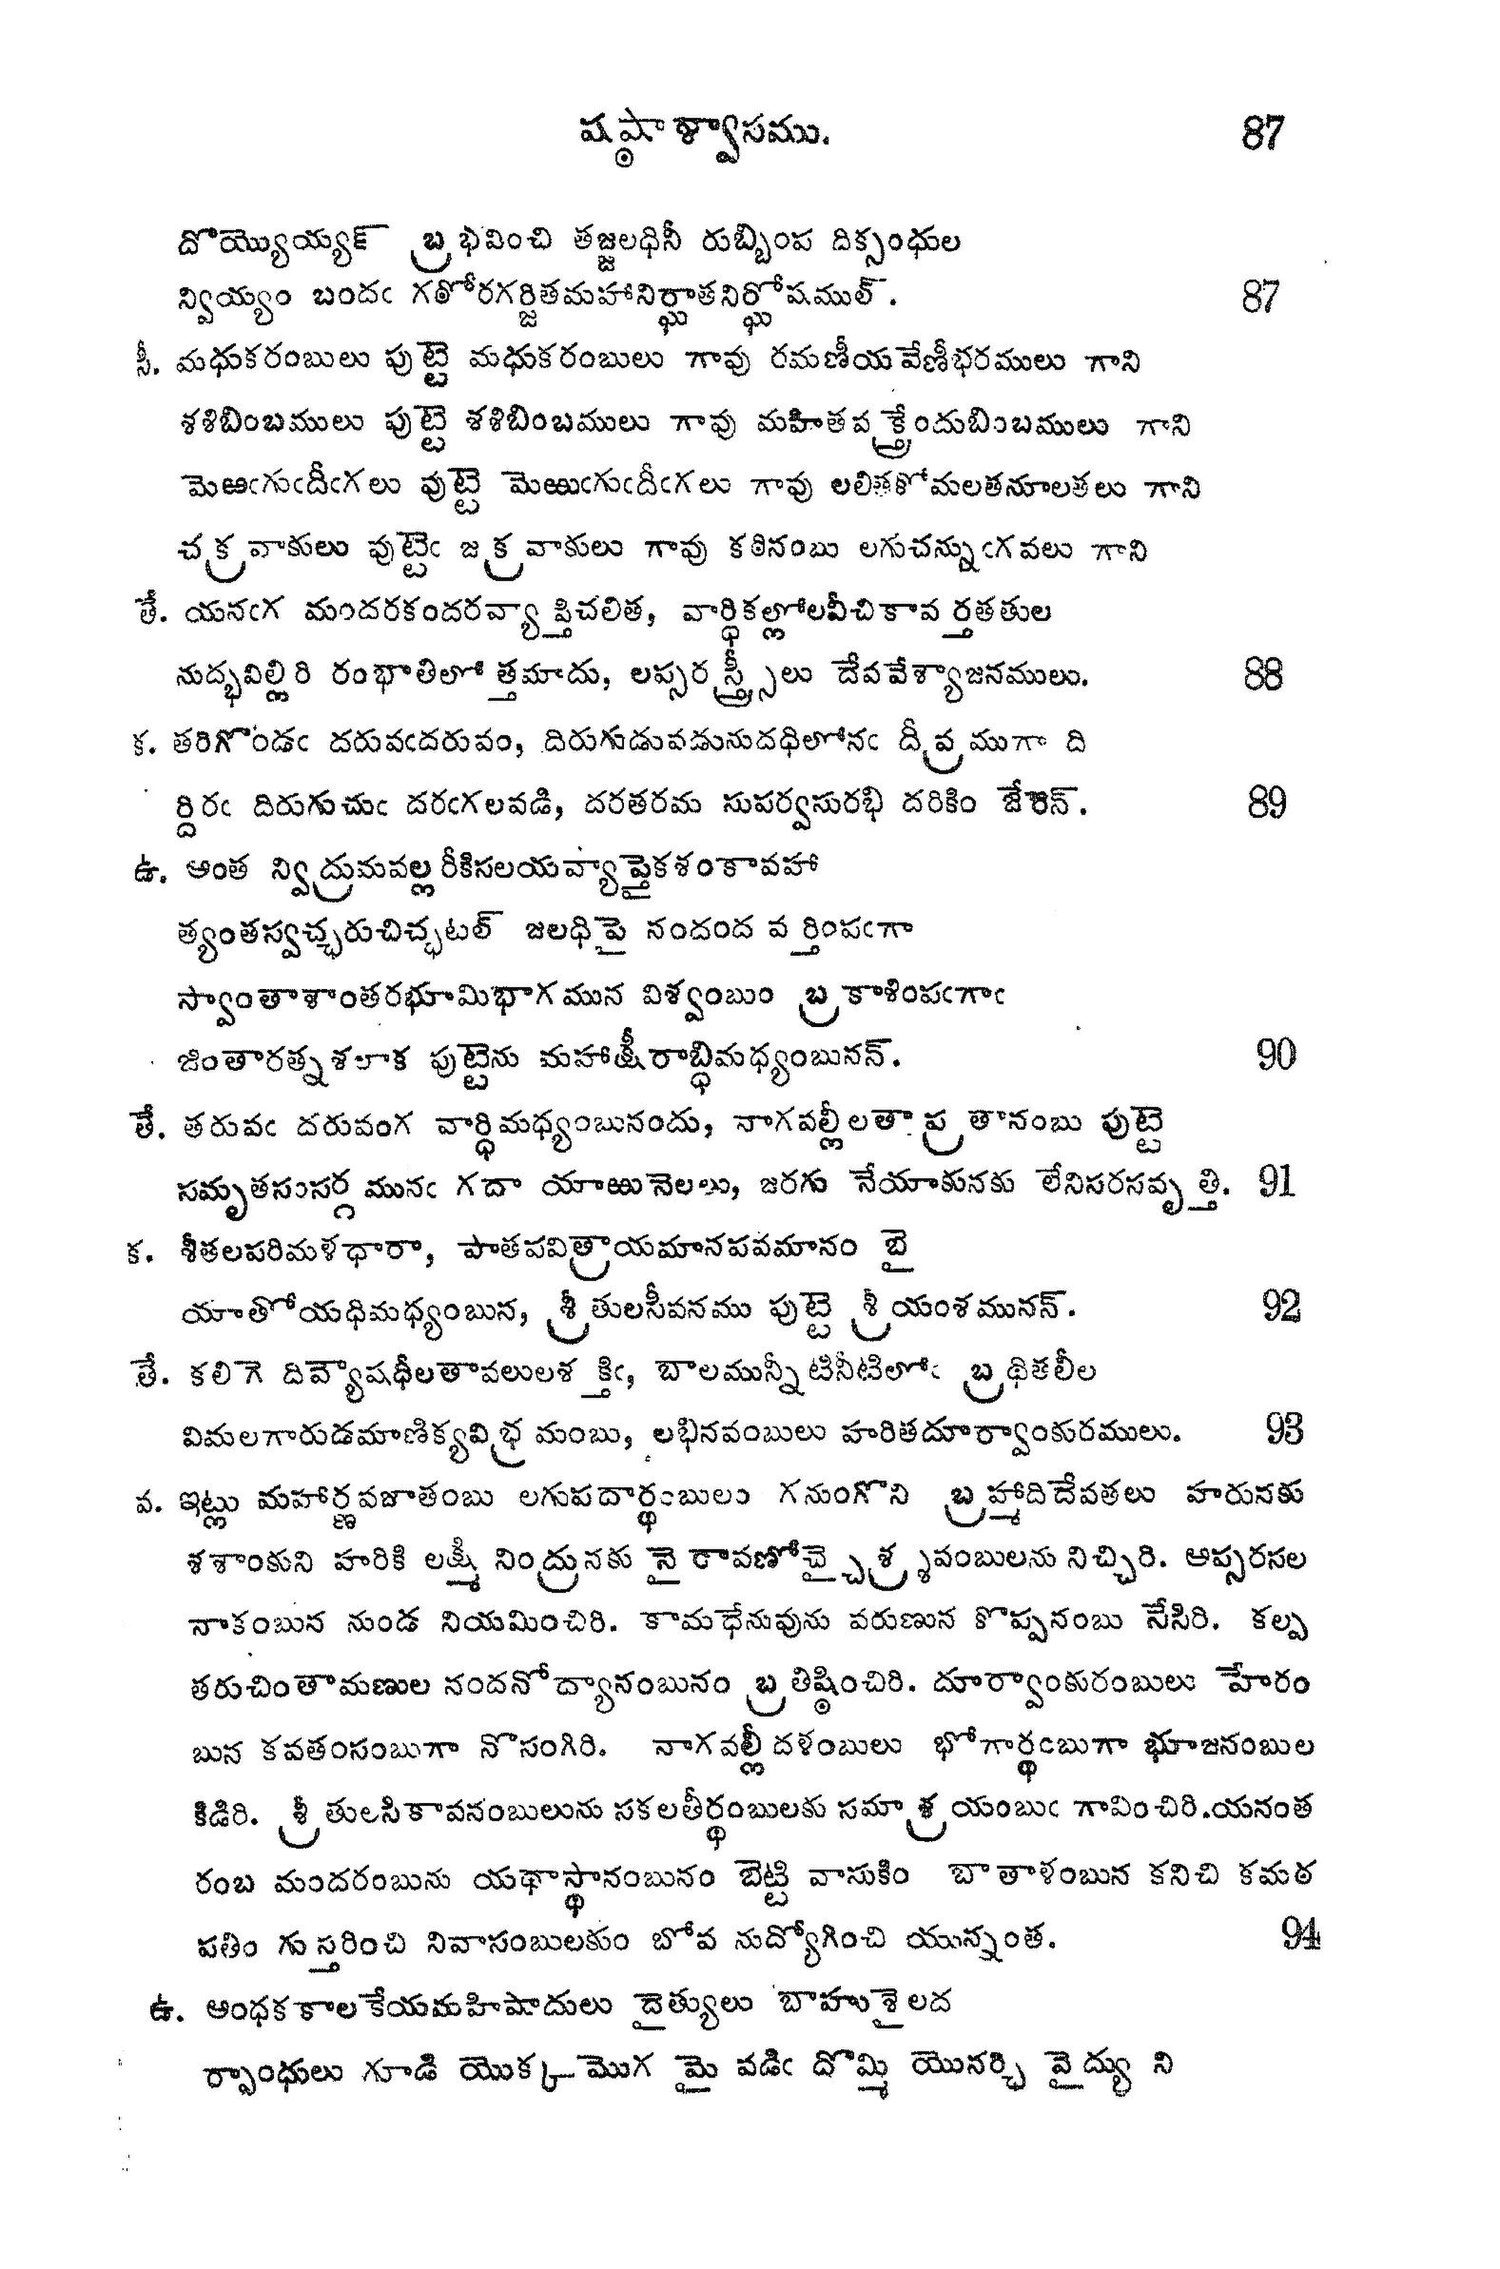దొయ్యొయ్యన్ బ్రభవించి తజ్జలధినీ రుబ్బింప దిక్సంధుల
న్వియ్యం బందఁ గఠోరగర్జితమహానిర్ఘాతనిర్దోషముల్. 87

సీ. మధుకరంబులు పుట్టె మధుకరంబులు గావు రమణీయవేణీభరములు గాని
శశిబింబములు పుట్టె శశిబింబములు గావు మహితవక్త్రేందుబింబములు గాని
మెఱఁగుఁదీఁగలు వుట్టె మెఱుఁగుఁదీఁగలు గావు లలితకోమలతనూలతలు గాని
చక్రవాకులు వుట్టెఁ జక్రవాకులు గావు కఠినంబు లగుచన్నుఁగవలు గాని
తే. యనఁగ మందరకందరవ్యాప్తిచలిత, వార్ధికల్లోలవీచికావర్తతతుల
నుద్భవిల్లిరి రంభాతిలోత్తమాదు, లప్పరస్స్త్రీలు దేవవేశ్యాజనములు. 88

క. తరిగొండఁ దరువఁదరువం, దిరుగుడువడునుదధిలోనఁ దీవ్రముగా ది
ర్దిరఁ దిరుగుచుఁ దరఁగలవడి, దరతరమ సుపర్వసురభి దరికిం జేరెన్. 89

ఉ. అంత న్విద్రుమవల్లరీకిసలయవ్యాప్తైకశంకావహా
త్యంతస్వచ్ఛరుచిచ్ఛటల్ జలధిపై నందంద వర్తింపఁగా
స్వాంతాశాంతరభూమిభాగమున విశ్వంబుం బ్రకాశింపఁగాఁ
జింతారత్నశలాక పుట్టెను మహాక్షీరాబ్ధిమధ్యంబునన్. 90

తే. తరువఁ దరువంగ వార్ధిమధ్యంబునందు, నాగవల్లీలతాప్రతానంబు పుట్టె
నమృతసంసర్గమునఁ గదా యాఱునెలలు, జరగు నేయాకునకు లేనిసరసవృత్తి. 91

క. శీతలపరిమళధారా, పాతపవిత్రాయమానపవమానం బై
యాతోయధిమధ్యంబున, శ్రీతులసీవనము పుట్టె శ్రీయంశమునన్. 92

తే. కలిగె దివ్యౌషధీలతావలులశక్తిఁ, బాలమున్నీటినీటిలోఁ బ్రథితలీల
విమలగారుడమాణిక్యవిభ్రమంబు, లభినవంబులు హరితదూర్వాంకురములు. 93

వ. ఇట్లు మహార్ణవజాతంబు లగుపదార్థంబులు గనుంగొని బ్రహ్మాదిదేవతలు హరునకు శశాంకుని హరికి లక్ష్మి నింద్రునకు నైరావణోచ్చైశ్రవంబులను నిచ్చిరి. అప్సరసల నాకంబున నుండ నియమించిరి. కామధేనువును వరుణున కొప్పనంబు సేసిరి. కల్పతరుచింతామణుల నందనోద్యానంబునం బ్రతిష్ఠించిరి. దూర్వాంకురంబులు హేరంబున కవతంసంబుగా నొసంగిరి. నాగవల్లీదళంబులు భోగార్థంబుగా భూజనంబుల కిడిరి. శ్రీతులసికావనంబులును సకలతీర్థంబులకు సమాశ్రయంబుఁ గావించిరి. యనంతరంబ మందరంబును యథాస్థానంబునం బెట్టి వాసుకిం బాతాళంబున కనిచి కమఠపతిం గుస్తరించి నివాసంబులకుం బోవ నుద్యోగించి యున్నంత. 94

ఉ. అంధకకాలకేయమహిషాదులు దైత్యులు బాహుశైలద
ర్పాంధులు గూడి యొక్కమొగ మై వడిఁ దొమ్మి యొనర్చి వైద్యు ని